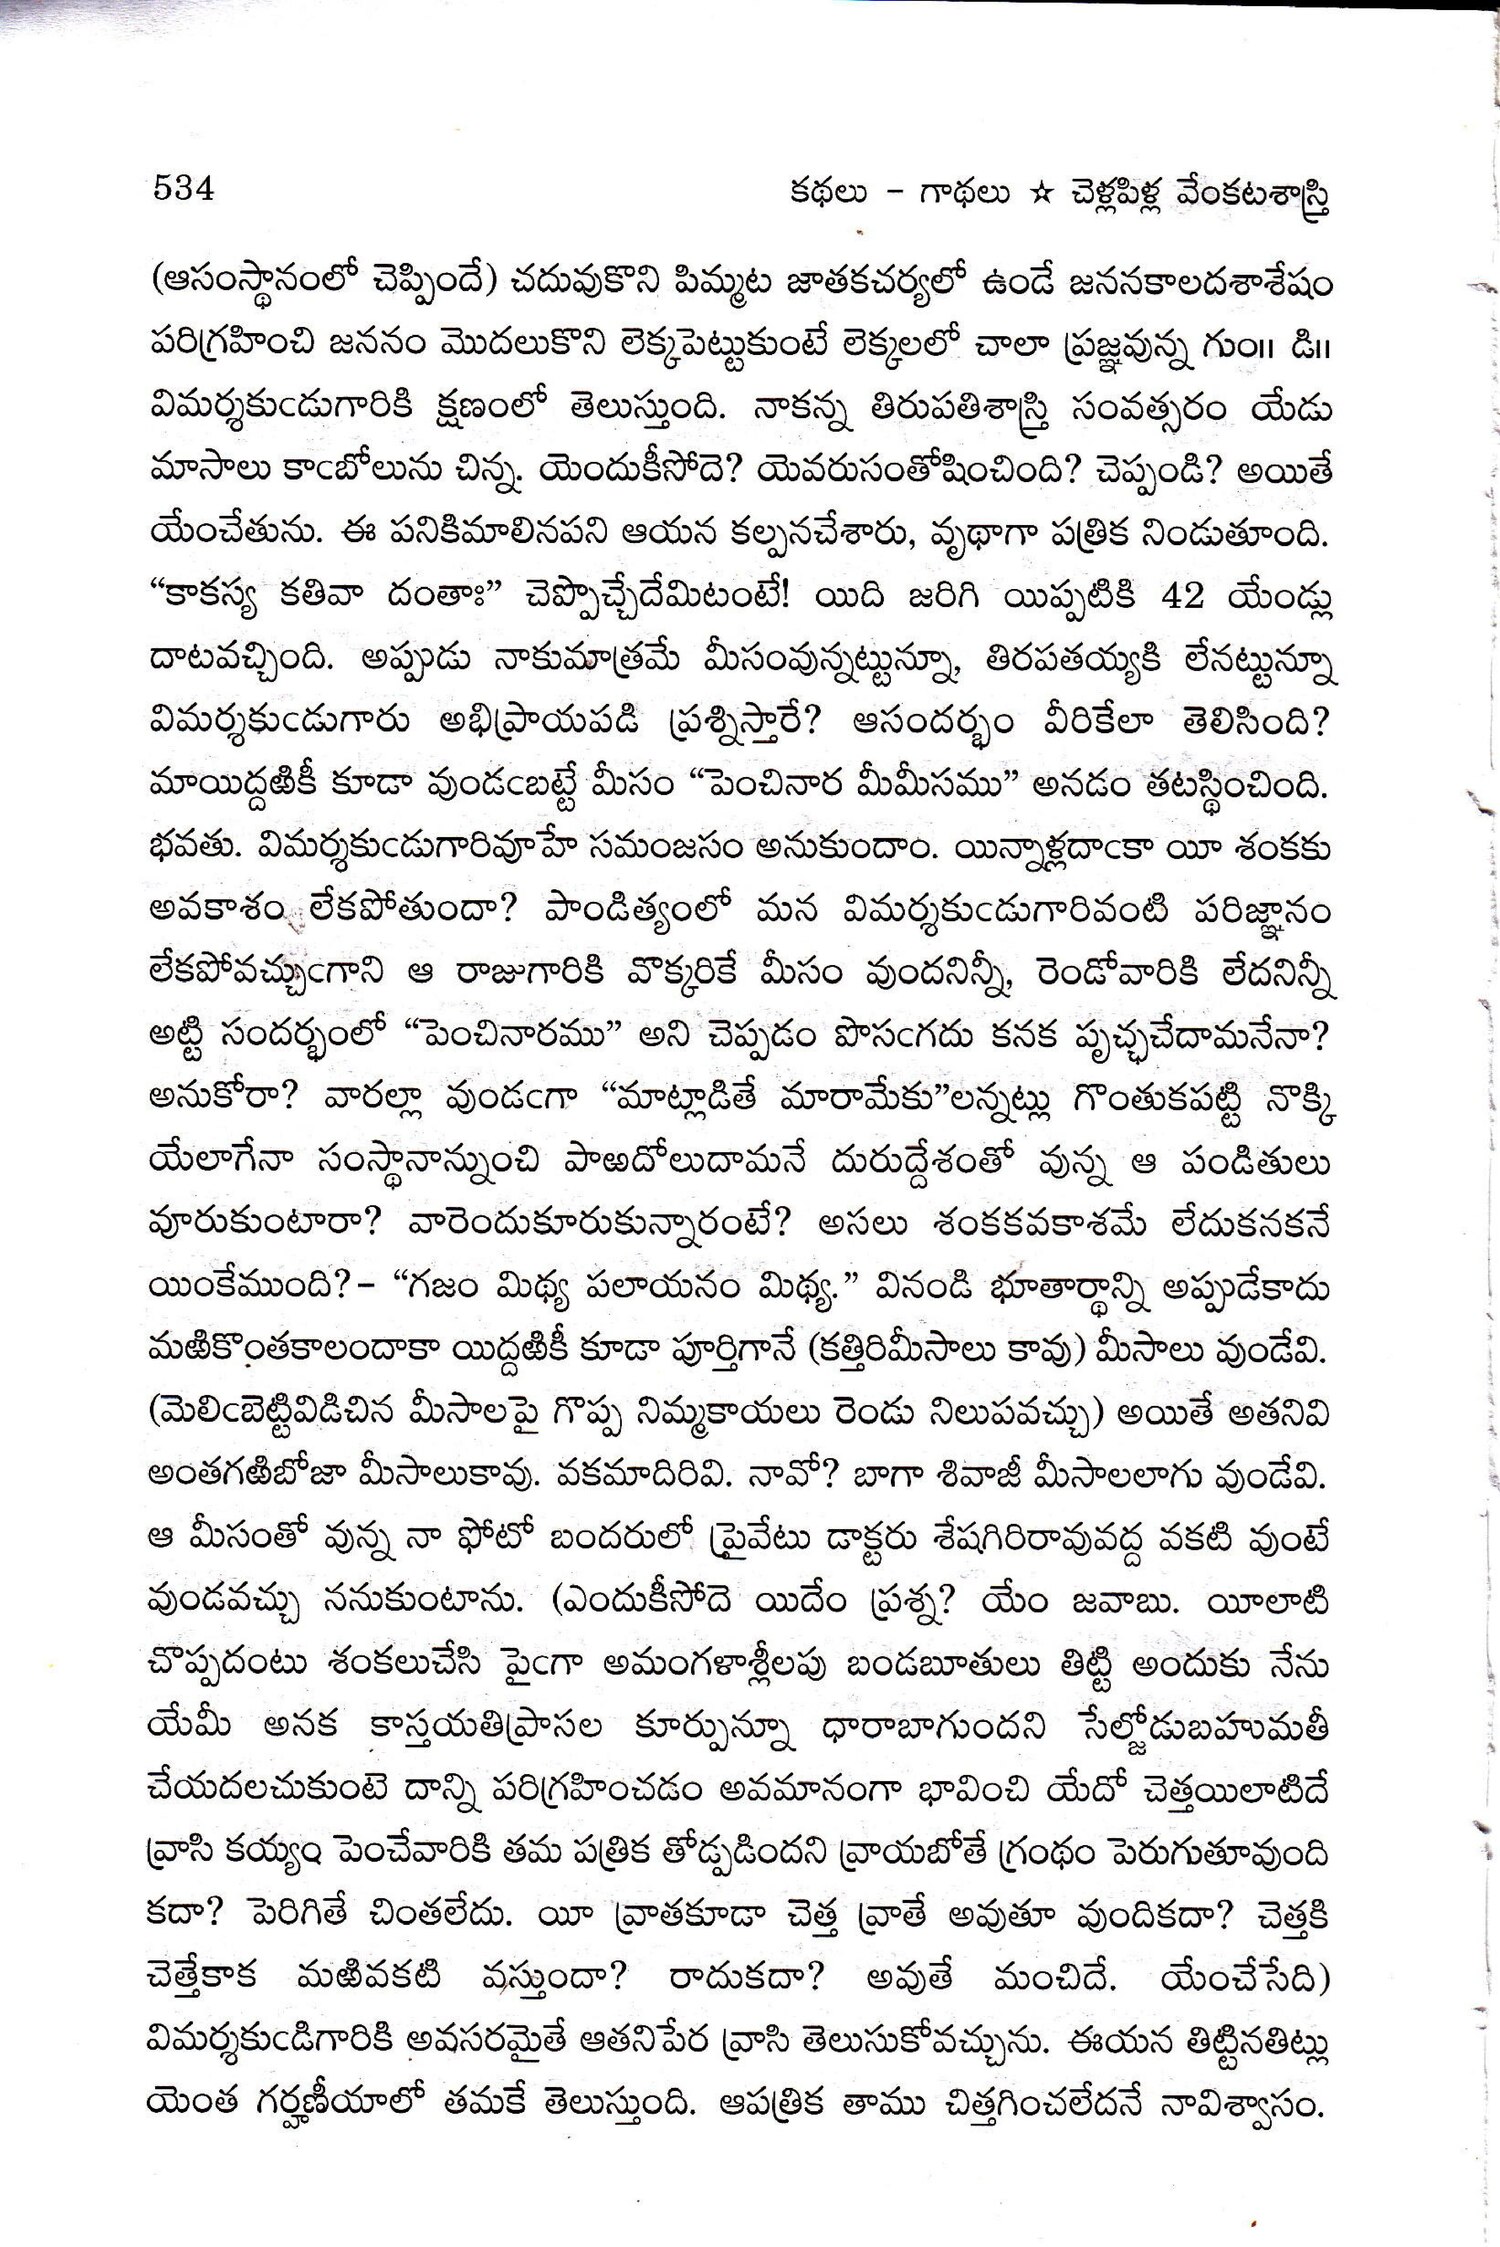(ఆసంస్థానంలో చెప్పిందే) చదువుకొని పిమ్మట జాతకచర్యలో ఉండే జననకాలదశాశేషం పరిగ్రహించి జననం మొదలుకొని లెక్కపెట్టుకుంటే లెక్కలలో చాలా ప్రజ్ఞవున్న గుం|| డి|| విమర్శకుఁడుగారికి క్షణంలో తెలుస్తుంది. నాకన్న తిరుపతిశాస్త్రి సంవత్సరం యేడు మాసాలు కాఁబోలును చిన్న యెందుకీసోదె? యెవరుసంతోషించింది? చెప్పండి? అయితే యేంచేతును. ఈ పనికిమాలినపని ఆయన కల్పనచేశారు, వృథాగా పత్రిక నిండుతూంది. "కాకస్య కతివా దంతా" చెప్పొచ్చేదేమిటంటే! యిది జరిగి యిప్పటికి 42 యేండ్లు దాటవచ్చింది. అప్పుడు నాకుమాత్రమే మీసంవున్నట్టున్నూ, తిరపతయ్యకి లేనట్టున్నూ విమర్శకుఁడుగారు అభిప్రాయపడి ప్రశ్నిస్తారే? ఆసందర్భం వీరికేలా తెలిసింది? మాయిద్దఱికీ కూడా వుండcబట్టే మీసం "పెంచినార మీమీసము” అనడం తటస్థించింది. భవతు. విమర్శకుఁడుగారివూహే సమంజసం అనుకుందాం. యిన్నాళ్లదాఁకా యీ శంకకు అవకాశం లేకపోతుందా? పాండిత్యంలో మన విమర్శకుఁడుగారివంటి పరిజ్ఞానం లేకపోవచ్చుఁగాని ఆ రాజుగారికి వొక్కరికే మీసం వుందనిన్నీ రెండోవారికి లేదనిన్నీ అట్టి సందర్భంలో "పెంచినారము" అని చెప్పడం పొసఁగదు కనక పృచ్చచేదామనేనా? అనుకోరా? వారల్లా వుండఁగా "మాట్లాడితే మారామేకు"లన్నట్లు గొంతుకపట్టి నొక్కి యేలాగేనా సంస్థానాన్నుంచి పాఱదోలుదామనే దురుద్దేశంతో వున్న ఆ పండితులు వూరుకుంటారా? వారెందుకూరుకున్నారంటే? అసలు శంకకవకాశమే లేదుకనకనే యింకేముంది?- “గజం మిథ్య పలాయనం మిథ్య" వినండి భూతార్థాన్ని అప్పుడేకాదు మఱికొంతకాలందాకా యిద్దఱికీ కూడా పూర్తిగానే (కత్తిరిమీసాలు కావు) మీసాలు వుండేవి. (మెలిఁబెట్టివిడిచిన మీసాలపై గొప్ప నిమ్మకాయలు రెండు నిలుపవచ్చు) అయితే అతనివి అంతగఱిబోజా మీసాలుకావు. వకమాదిరివి. నావో? బాగా శివాజీ మీసాలలాగు వుండేవి. ఆ మీసంతో వున్న నా ఫోటో బందరులో ప్రైవేటు డాక్టరు శేషగిరిరావువద్ద వకటి వుంటే వుండవచ్చు ననుకుంటాను. (ఎందుకీసోదె యిదేం ప్రశ్న? యేం జవాబు. యీలాటి చొప్పదంటు శంకలుచేసి పైఁగా అమంగళాశ్లీలపు బండబూతులు తిట్టి అందుకు నేను యేమీ అనక కాస్త్రయతిప్రాసల కూర్పున్నూ ధారాబాగుందని సేల్జోడుబహుమతీ చేయదలచుకుంటె దాన్ని పరిగ్రహించడం అవమానంగా భావించి యేదో చెత్తయిలాటిదే వ్రాసి కయ్యం పెంచేవారికి తమ పత్రిక తోడ్పడిందని వ్రాయబోతే గ్రంథం పెరుగుతూవుంది కదా? పెరిగితే చింతలేదు. యీ వ్రాతకూడా చెత్త వ్రాతే అవుతూ వుందికదా? చెత్తకి చెత్తేకాక మఱివకటి వస్తుందా? రాదుకదా? అవుతే మంచిదే. యేంచేసేది) విమర్శకుఁడిగారికి అవసరమైతే ఆతనిపేర వ్రాసి తెలుసుకోవచ్చును. ఈయన తిట్టినతిట్లు యెంత గర్షణీయాలో తమకే తెలుస్తుంది. ఆపత్రిక తాము చిత్తగించలేదనే నావిశ్వాసం.